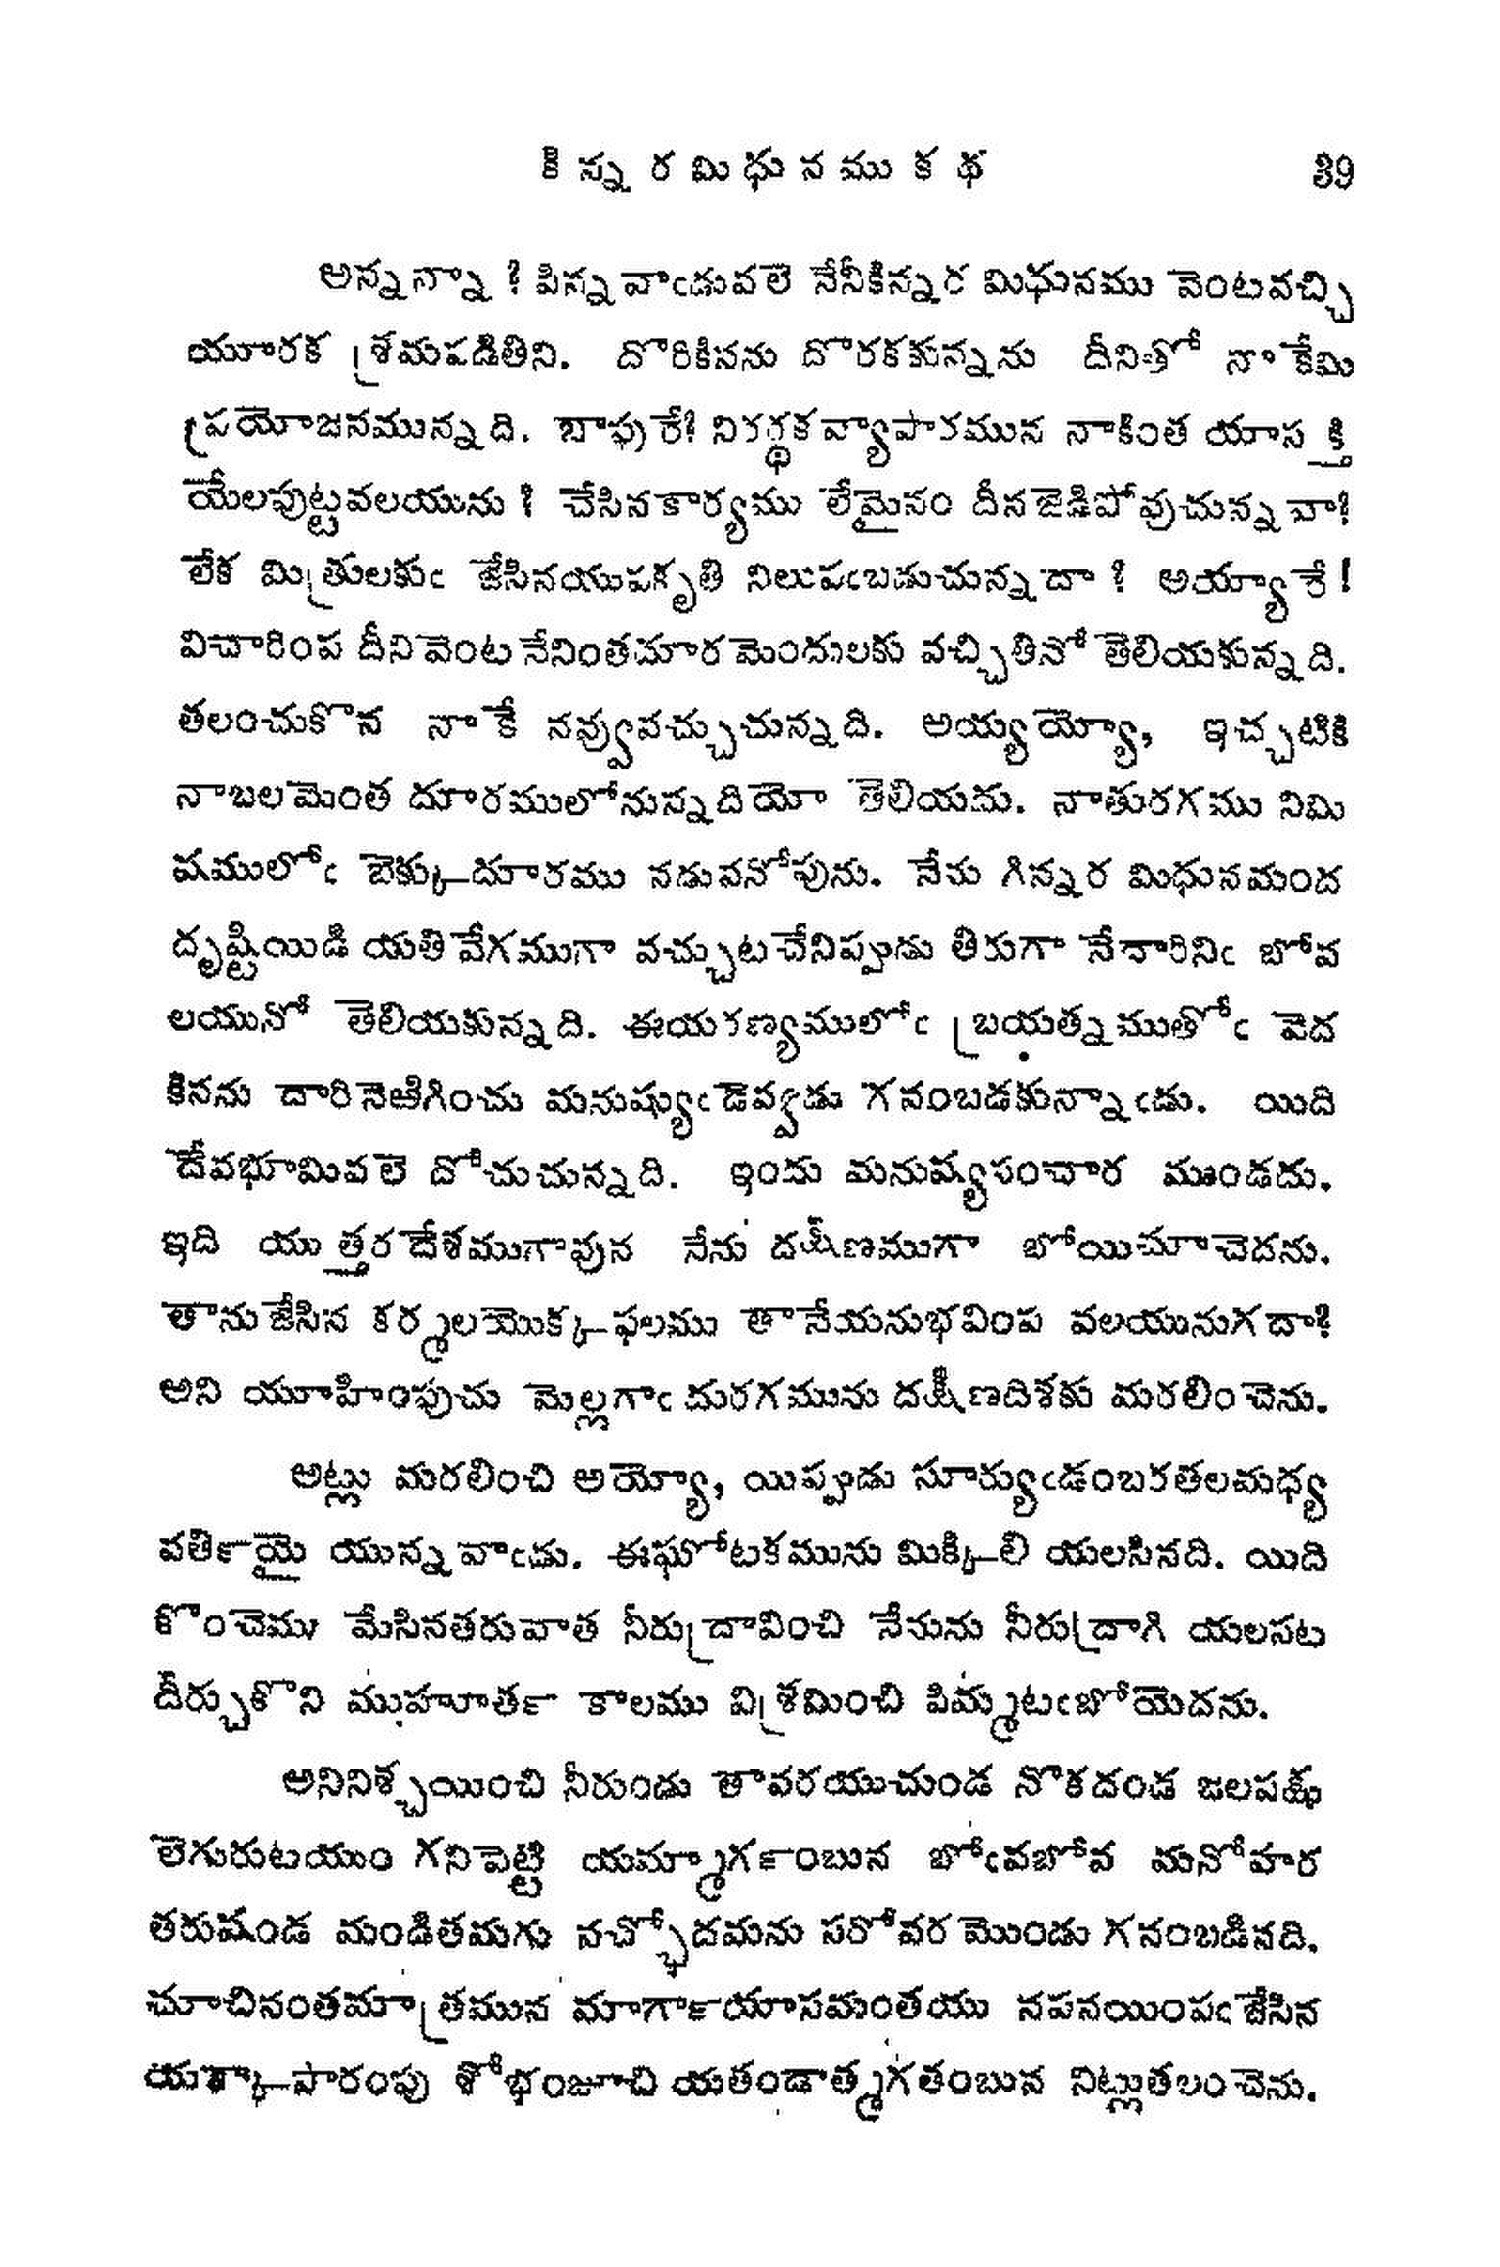అన్నన్నా? పిన్నవాఁడువలె నేనీకిన్నర మిధునము వెంటవచ్చి యూరక శ్రమపడితిని. దొరికినను దొరకకున్నను దీనితో నా కేమి ప్రయోజనమున్నది. బాపురే? నిరర్థకవ్యాపారమున నాకింత యాసక్తి యేలపుట్టవలయును? చేసినకార్యము లేమైనం దీనజెడిపోవుచున్నవా? లేక మిత్రులకుఁ జేసినయుపకృతి నిలుపఁబడుచున్నదా? అయ్యారే! విచారింప దీనివెంటనేనింతదూరమెందులకు వచ్చితినో తెలియకున్నది. తలంచుకొన నాకే నవ్వువచ్చుచున్నది. అయ్యయ్యో, ఇచ్చటికి నాబలమెంత దూరములోనున్నదియో తెలియదు. నాతురగము నిమిషములోఁ బెక్కుదూరము నడువనోపును. నేను గిన్నర మిధునమంద దృష్టియిడి యతివేగముగా వచ్చుటచేనిప్పుడు తిరుగా నేదారినిఁ బోవలయునో తెలియకున్నది. ఈయరణ్యములోఁ బ్రయత్నముతోఁ వెదకినను దారినెఱిగించు మనుష్యుఁ డెవ్వడు గనంబడకున్నాఁడు. యిది దేవభూమివలె దోచుచున్నది. ఇందు మనుష్యసంచార ముండదు. ఇది యుత్తరదేశముగావున నేను దక్షిణముగా బోయిచూచెదను. తానుజేసిన కర్మలయొక్క ఫలము తానేయనుభవింప వలయునుగదా? అని యూహింపుచు మెల్లగాఁ దురగమును దక్షిణదిశకు మరలించెను.

అట్లు మరలించి అయ్యో, యిప్పుడు సూర్యుఁడంబరతలమధ్యవతి౯యై యున్నవాఁడు. ఈఘోటకమును మిక్కిలి యలసినది. యిది కొంచెము మేసినతరువాత నీరుద్రావించి నేనును నీరుద్రాగి యలసట దీర్చుకొని ముహూత౯ కాలము విశ్రమించి పిమ్మటఁబోయెదను.

అనినిశ్చయించి నీరుండు తావరయుచుండ నొకదండ జలపక్షు లెగురటయుం గనిపెట్టి యమ్మాగ౯ంబున బోఁవబోవ మనోహర తరుషండ మండితమగు నచ్చోదమను సరోవరమొండు గనంబడినది. చూచినంతమాత్రమున మాగా౯యానమంతయు నపనయింపఁజేసిన యక్కాసారంపు శోభంజూచి యతండాత్మగతంబున నిట్లుతలంచెను.